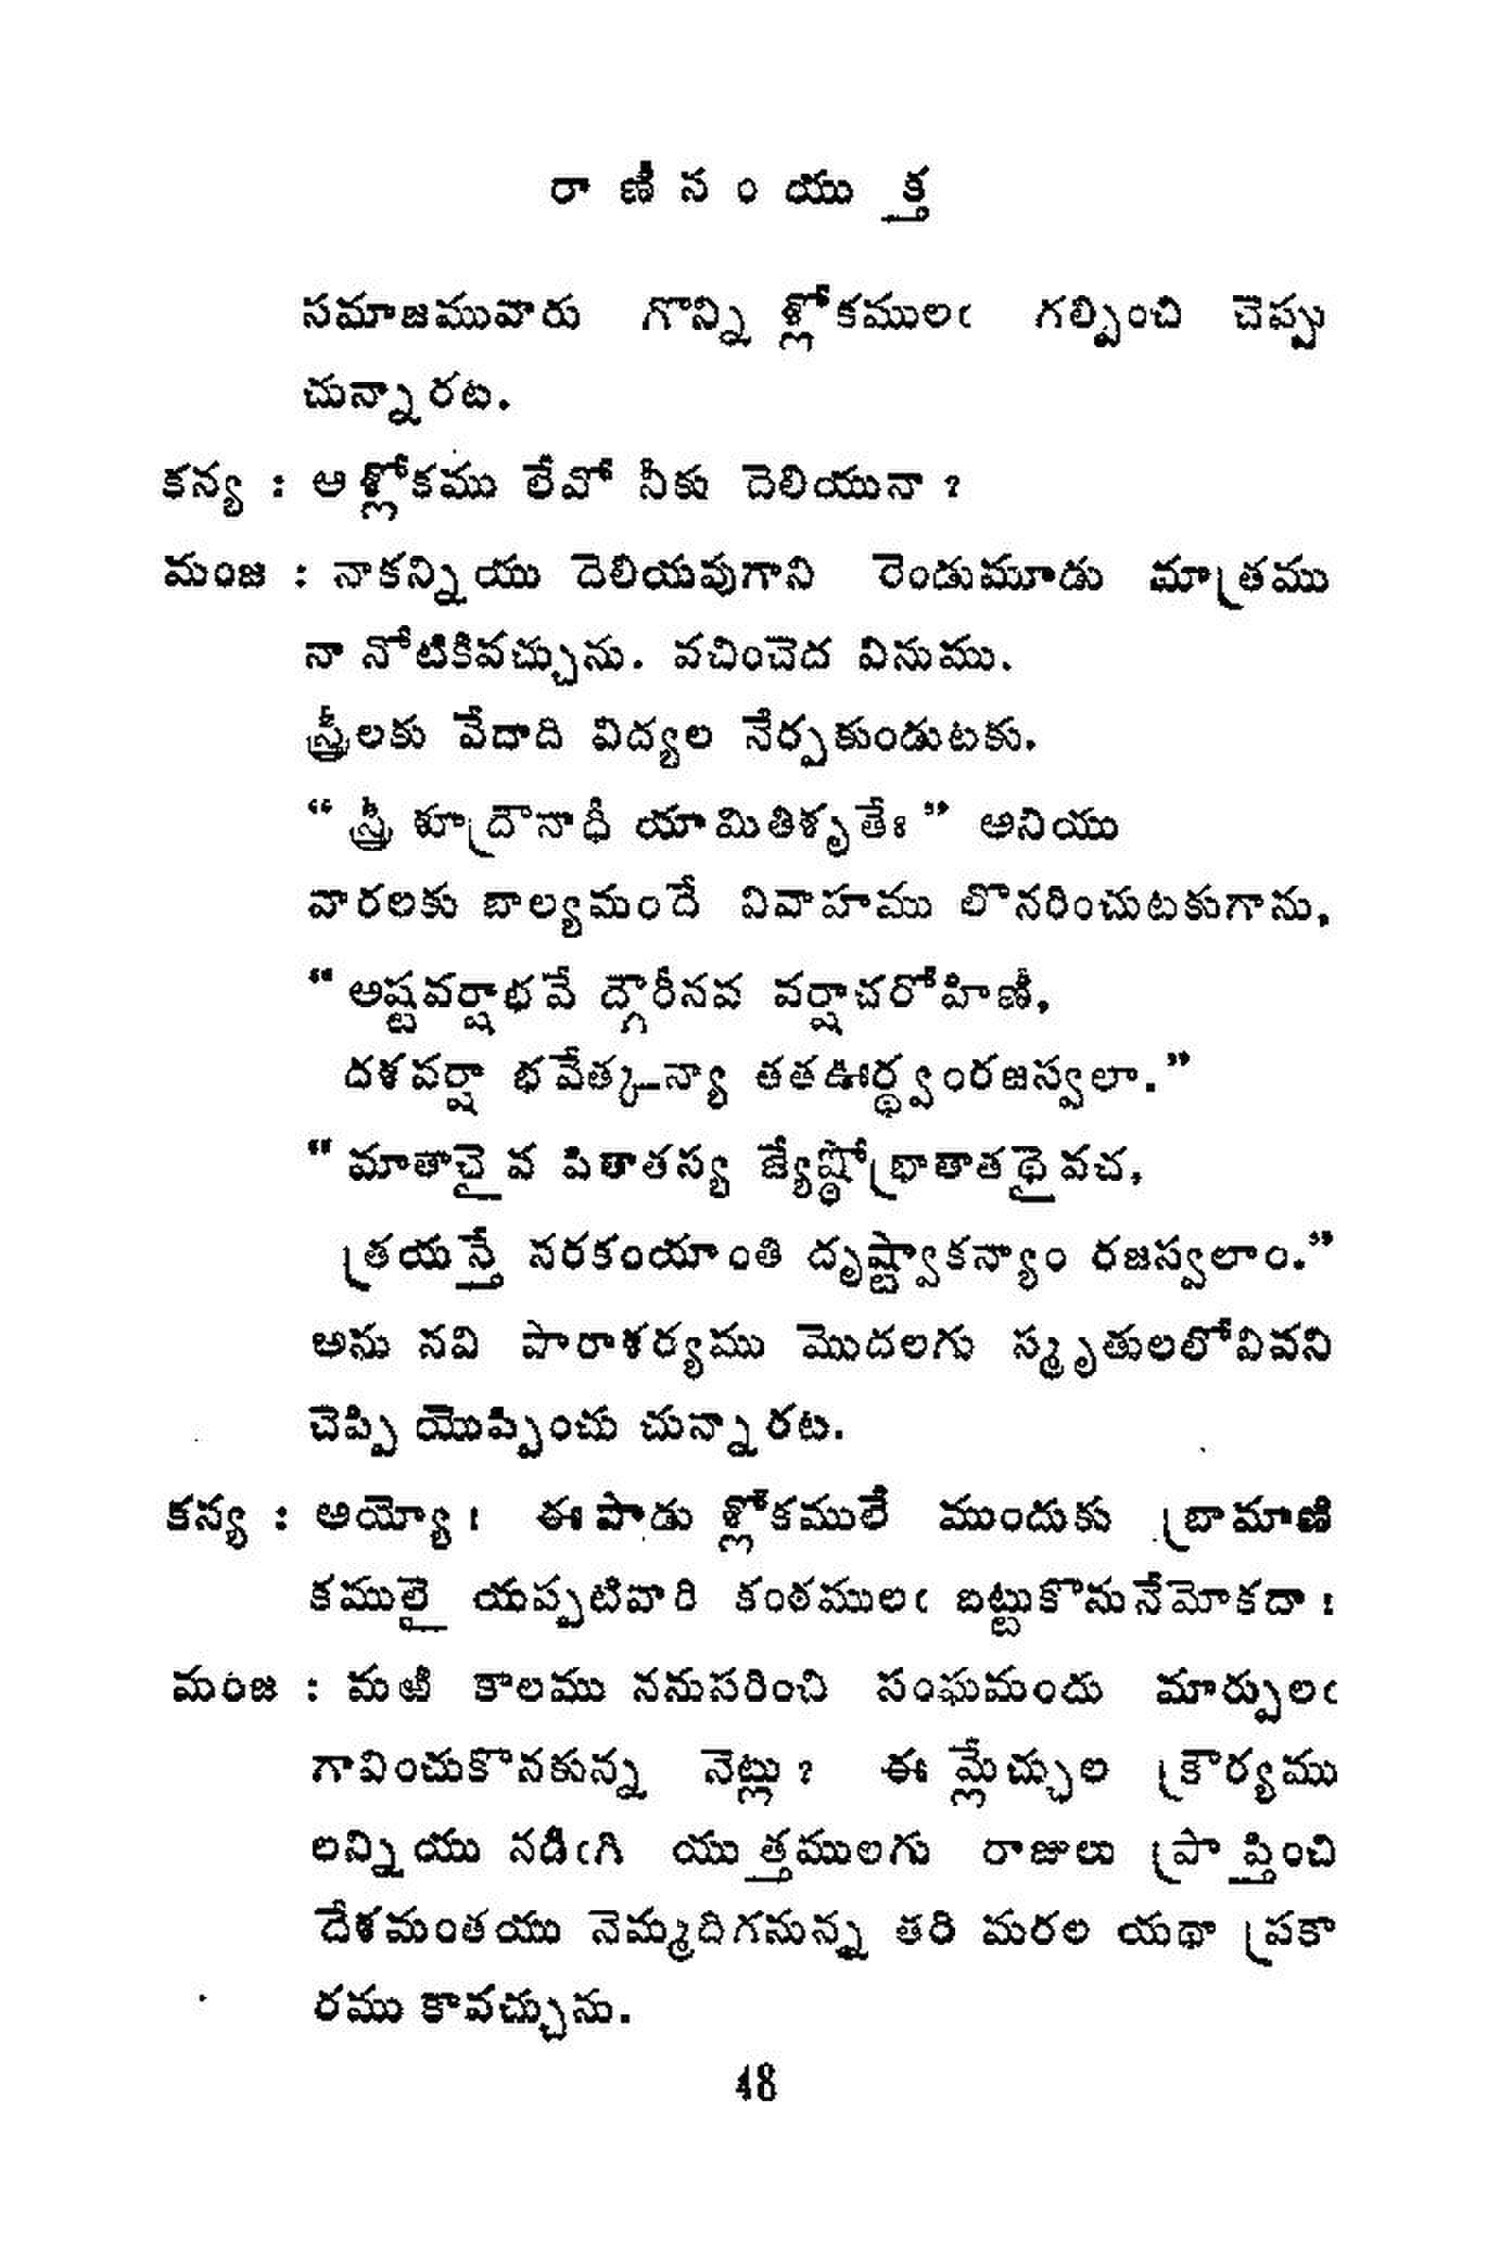సమాజమువారు. గొన్నిశ్లోకములఁ గల్పించి చెప్పుచున్నారట. 

కన్య : ఆశ్లోకము లేవో నీకు దెలియునా ? 

మంజ : నాకన్నియు దెలియవుగానీ రెండుమూడు మాత్రము నా నోటికివచ్చును. వచించెద వినుము. 

స్త్రీలకు వేదాది విద్యల నేర్పకుండుటకు, 

"స్త్రీ శూద్రౌనాధీ యామితిశృతేః " అనియు 

వారలకు బాల్యమందే వివాహము లొనరించుటకుగాను, 

"అష్టవర్షాభవే ద్గౌరీనవ వర్షాచరోహిణీ,
 దశవర్షా భవేత్కన్యా తతఊర్థ్వంరజస్వలా." 

"మాతాచైవ పితాతస్య జ్యేష్ఠోభ్రాతాతథైవచ, 
 త్రయస్తే నరకంయాంతి దృష్ట్వాకన్యాం రజస్వలాం." 
అను నవి పారాశర్యము మొదలగు స్మృతులలోనివని చెప్పి యొప్పించు చున్నారట. , 

కన్య : అయ్యో ! ఈ పాడు శ్లోకములే ముందుకు బ్రామాణికములై యప్పటివారి కంఠములఁ బట్టుకొనునేమోకదా ! 

మంజ : మఱి కాలము ననుసరించి సంఘమందు మార్పులఁగావించుకొనకున్న నెట్లు? ఈ మ్లేచ్చుల శ్రౌర్యము లన్నియు నడిఁగి యుత్తములగు రాజులు ప్రాప్తించి దేశమంతయు నెమ్మదిగనున్న తరి మరల యథా ప్రకారము కావచ్చును.